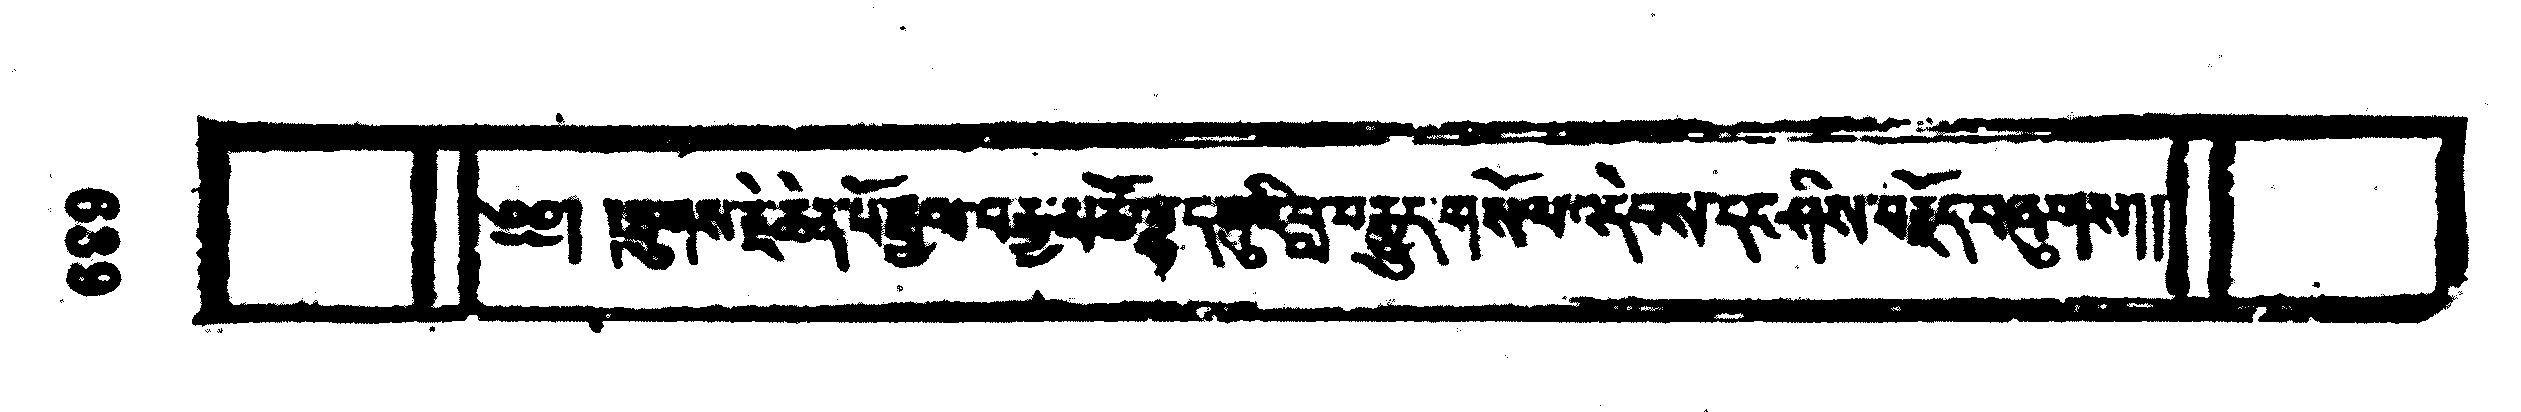༄༅། །ཐུགས་རྗེ་ཆེན་པོ་རྒྱལ་བ་རྒྱ་མཚོ་ལྷ་དགུའི་བླ་བརྒྱུད་གསོལ་འདེབས་དང་ཤིས་བརྗོད་བཞུགས།།